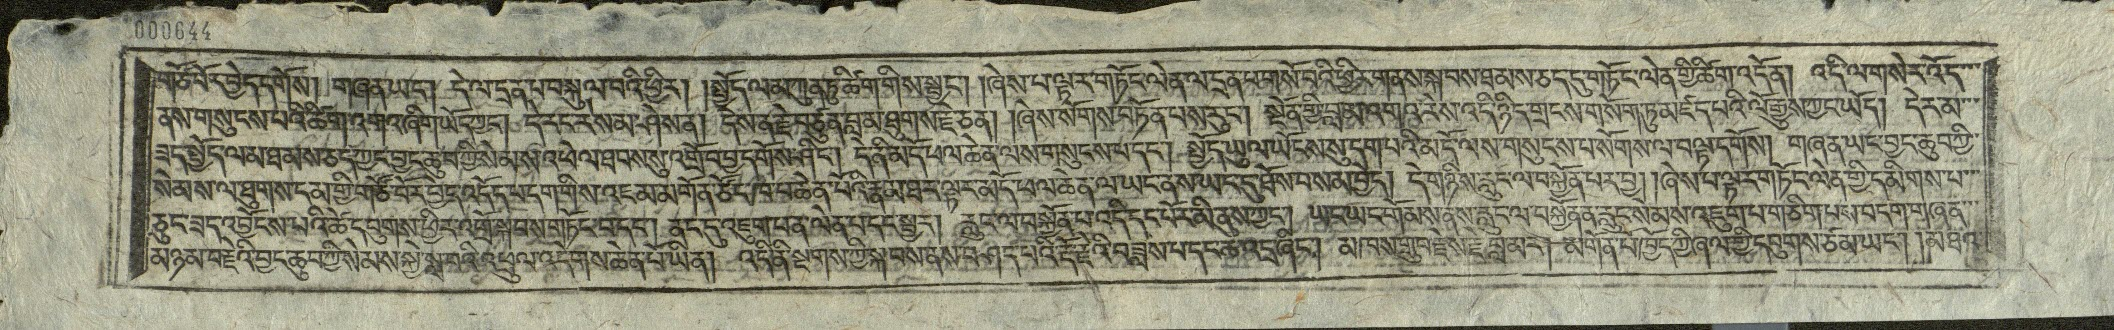གཙོ་བོར་བྱེད་དགོས། གཞན་ཡང་། དེ་ལ་དྲན་པ་བསྐུལ་བའི་ཕྱིར། །སྤྱོད་ལམ་ཀུན་ཏུ་ཚིག་གིས་སྦྱང་། །ཞེས་པ་ལྟར་གཏོང་ལེན་ལ་དྲན་པ་གསོ་བའི་ཕྱིར་གནས་སྐབས་ཐམས་ཅད་དུ་གཏོང་ལེན་གྱི་ཚིག་འདོན། འདི་ལ་གསེར་འོད་
ནས་གསུངས་པའི་ཚིག་འགའ་ཞིག་ཡོད་ཀྱང་། དེ་རང་རེས་མ་ཤེས་ན། དེས་ན་རྗེ་བཙུན་བླ་མ་ཐུགས་རྗེ་ཅན། །ཞེས་སོགས་བཏོན་པས་རུང་། སྔོན་གྱི་བླ་མ་འགའ་རེས་འདི་ཉིད་གྲངས་གསོག་ཏུ་མཛད་པའི་ལོ་རྒྱུས་ཀྱང་ཡོད། དེར་མ་
ཟད་སྤྱོད་ལམ་ཐམས་ཅད་ཀྱང་བྱང་ཆུབ་ཀྱི་སེམས་འཕེལ་ཐབས་སུ་འགྲོ་བ་བྱ་དགོས་ཤིང་། དེ་ནི་མདོ་ཕལ་ཆེན་ལས་གསུངས་པ་དང་། སྤྱོད་ཡུལ་ཡོངས་སུ་དག་པའི་མདོ་ལས་གསུངས་པ་སོགས་ལ་བལྟ་དགོས། གཞན་ཡང་བྱང་ཆུབ་ཀྱི་
སེམས་ལ་ཐུགས་དམ་གྱི་གཙོ་བོར་བྱེད་འདོད་པ་དག་གིས་འཇམ་མགོན་ཙོང་ཁ་པ་ཆེན་པོའི་རྣམ་ཐར་ལྟར་མདོ་ཕལ་ཆེན་ལ་ཡང་ནས་ཡང་དུ་ཐོས་བསམ་བྱེད། དེ་གཉིས་རླུང་ལ་བསྐྱོན་པར་བྱ། །ཞེས་པ་ལྟར་གཏོང་ལེན་གྱི་དམིགས་པ་
ཅུང་ཟད་འབྱོངས་པའི་ཚེ་དབུགས་ཕྱིར་འགྲོ་སྐབས་གཏོང་བ་དང་། ནང་དུ་འཇུག་པ་ན་ལེན་པ་དང་སྦྱར། རླུང་ལ་བསྐྱོན་པ་འདི་དང་པོར་མི་ནུས་ཀྱང་། ཡང་ཡང་གོམས་ནས་རླུང་ལ་བསྐྱོན་ན་རླུང་སེམས་འཇུག་པ་གཅིག་པས་བདག་གཞན་
མཉམ་བརྗེའི་བྱང་ཆུབ་ཀྱི་སེམས་སྐྱེ་སླ་བའི་འཕྲུལ་འདེགས་ཆེན་པོ་ཡིན། འདི་ནི་སྔགས་ཀྱི་སྐབས་ནས་བཤད་པའི་རྡོ་རྗེའི་བཟླས་པ་དང་ཆ་འདྲ་ཞིང་། མཁས་གྲུབ་རྗེས་རྗེ་བླ་མར། མགོན་པོ་ཁྱོད་ཀྱི་ཞལ་གྱི་དབུགས་ཙམ་ཡང་། །མཐའ་